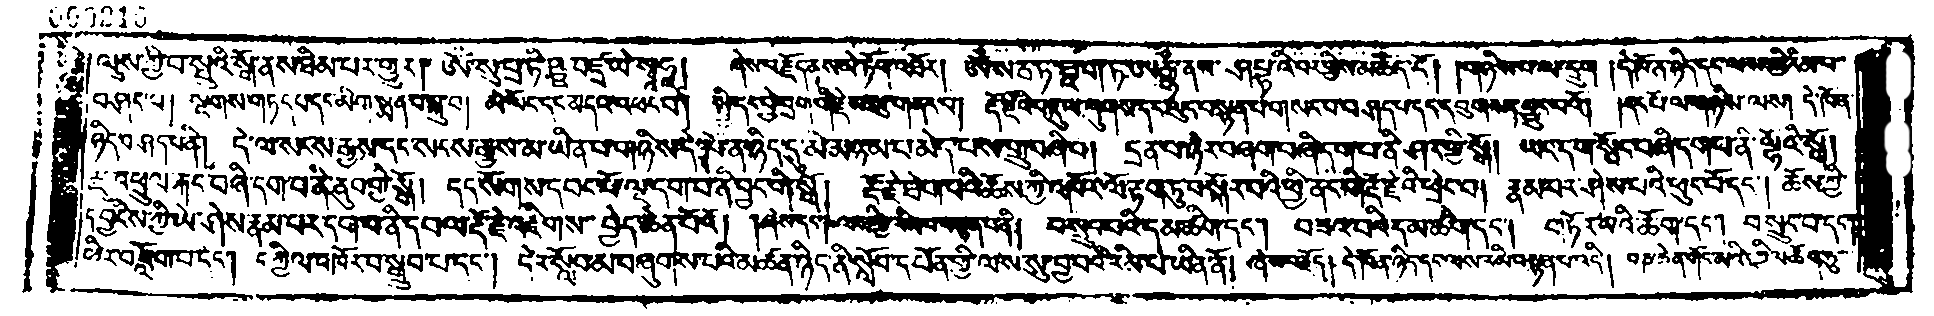ལུས་ཀྱི་བ་སྤུའི་སྒོ་ནས་ཐིམ་པར་གྱུར། ཨོཾ་སུ་པྲ་ཏི་ཥཊཿཨ་བཛྲ་ཡེ་སྭཱཧཱ། ཞེས་བརྗོད་ནས་མེ་ཏོག་འཐོར།  ཨོཾ་སརྦ་ཏ་ཐཱ་ག་ཏ་ཨརྒྷཾ་ནས་ཤཔྟ་འི་བར་གྱིས་མཆོད་དོ། །གཉིས་པ་ལ་དྲུག །དེ་ཁོ་ན་ཉིད་དང་ལས་གྱི་རིམ་པ་
བཤད་པ། སྔགས་གཏད་པ་དང་མིག་སྨན་བསྐུ་བ། མེ་ལོང་དང་མདའ་འཕང་བ། སྤྱི་དང་བྱེ་བྲག་གི་རྗེས་སུ་གནང་བ། རྡོ་རྗེའི་བརྡུལ་ཞུགས་དང་ལུང་བསྟན་པ་གསང་བ་བཤད་པ་དང་དབུགས་དབྱུང་བའོ། །དང་པོ་ལ་གཉིས་ལས། དེ་ཁོ་ན་
ཉིད་བཤད་པ་ནི། དེ་ལ་སངས་རྒྱས་དང་སངས་རྒྱས་མ་ཡིན་པ་གཉིས་དེ་ཁོ་ན་ཉིད་དུ་མི་མཉམ་པ་མེད་པས་གྲུ་བཞི་པ། དྲན་པ་ཉེར་བཞག་བཞི་དག་པ་ནི་ཤར་གྱི་སྒོ། ཡང་དག་སྤོང་བཞི་དག་པ་ནི་ལྷོའི་སྒོ།
རྫུ་འཕྲུལ་རྐང་བཞི་དག་པ་ནི་ནུབ་གྱི་སྒོ། དད་སོགས་དབང་པོ་ལྔ་དག་པ་ནི་བྱང་གི་སྒོ། རྡོ་རྗེ་ཐེག་པའི་ཆོས་ཀྱི་འཁོར་ལོ་རྟག་ཏུ་བསྐོར་བའི་ཕྱི་ནང་གི་རྡོ་རྗེའི་ཕྲེང་བ། རྣམ་པར་ཤེས་པའི་ཕུང་པོ་དང་། ཆོས་ཀྱི་
དབྱིངས་ཀྱི་ཡེ་ཤེས་རྣམ་པར་དག་པ་ནི་དཔལ་རྡོ་རྗེ་འཇིགས་བྱེད་ཆེན་པོའོ། །ཞེས་དང་། ལས་ཀྱི་རིམ་པ་བསྟན་པ་ནི།  བསྲུང་བའི་དམ་ཚིག་དང་། བཟའ་བའི་དམ་ཚིག་དང་། གཏོར་མའི་ཆོ་ག་དང་། བསྲུང་བ་དང་།
ཕྱིར་བཟློག་པ་དང་། དཀྱིལ་འཁོར་བསྒྲུབ་པ་དང་། དེར་སློབ་མ་བཞུགས་པའི་མཚན་ཉིད་ནི་སློབ་དཔོན་གྱི་ལས་སུ་བྱ་བའི་རིམ་པ་ཡིན་ནོ། ཞེས་བརྗོད། དེ་ཁོ་ན་ཉིད་དང་ལས་རིམ་བསྟན་པ་འདི། པཎ་ཆེན་གོང་མའི་དཀྱིལ་ཆོག་ཏུ་